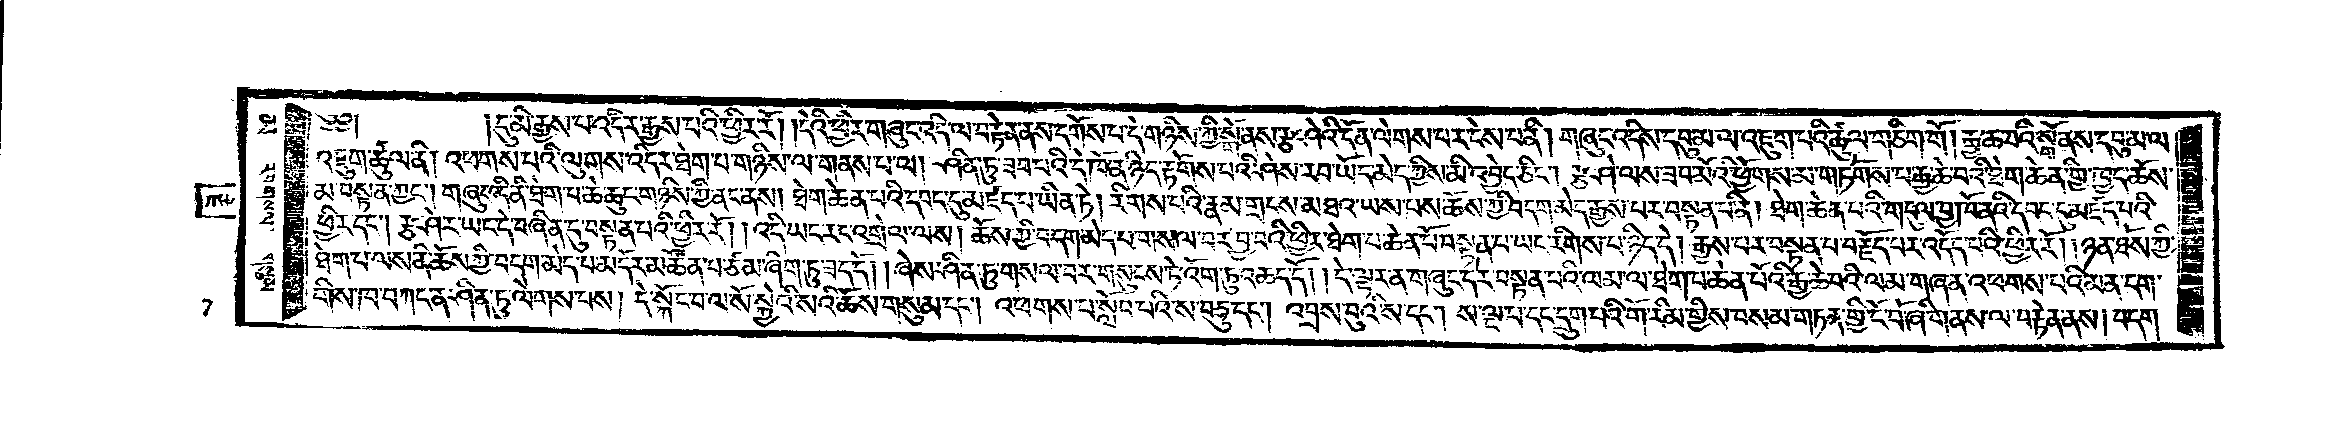༄༅། །དུ་མི་རྒྱས་པ་འདིར་རྒྱས་པའི་ཕྱིར་རོ། །དེའི་ཕྱིར་གཞུང་འདི་ལ་བརྟེན་ནས་དགོས་པ་དེ་གཉིས་ཀྱི་སྒོ་ནས་རྩ་ཤེའི་དོན་ལེགས་པར་ངེས་པ་ནི། གཞུང་འདིས་དབུ་མ་ལ་འཇུག་པའི་ཚུལ་གཅིག་གོ །རྒྱ་ཆེ་བའི་སྒོ་ནས་དབུ་མ་ལ་
འཇུག་ཚུལ་ནི། འཕགས་པའི་ལུགས་འདིར་ཐེག་པ་གཉིས་ལ་གནས་པ་ལ། ཤིན་ཏུ་ཟབ་པའི་དེ་ཁོ་ན་ཉིད་རྟོགས་པའི་ཤེས་རབ་ཡོད་མེད་ཀྱིས་མི་འབྱེད་ཅིང་། རྩ་ཤེ་ལས་ཟབ་མོའི་ཕྱོགས་མ་གཏོགས་པ་རྒྱ་ཆེ་བའི་ཐེག་ཆེན་གྱི་ཁྱད་ཆོས་
མ་བསྟན་ཀྱང་། གཞུང་འདི་ནི་ཐེག་པ་ཆེ་ཆུང་གཉིས་ཀྱི་ནང་ནས། ཐེག་ཆེན་པའི་དབང་དུ་མཛད་པ་ཡིན་ཏེ། རིགས་པའི་རྣམ་གྲངས་མཐའ་ཡས་པས་ཆོས་ཀྱི་བདག་མེད་རྒྱས་པར་བསྟན་པ་ནི། ཐེག་ཆེན་པའི་གདུལ་བྱ་ཁོ་ནའི་དབང་དུ་མཛད་པའི་
ཕྱིར་དང་། རྩ་ཤེར་ཡང་དེ་བཞིན་དུ་བསྟན་པའི་ཕྱིར་རོ། །འདི་ཡང་རང་འགྲེལ་ལས། ཆོས་ཀྱི་བདག་མེད་པ་གསལ་བར་བྱ་བའི་ཕྱིར་ཐེག་པ་ཆེན་པོ་བསྟན་པ་ཡང་རིགས་པ་ཉིད་དེ། རྒྱས་པར་བསྟན་པ་བརྗོད་པར་འདོད་པའི་ཕྱིར་རོ། །ཉན་ཐོས་ཀྱི་
ཐེག་པ་ལས་ནི་ཆོས་ཀྱི་བདག་མེད་པ་མདོར་མཚོན་པ་ཙམ་ཞིག་ཏུ་ཟད་དོ། །ཞེས་ཤིན་ཏུ་གསལ་བར་གསུངས་ཏེ་འོག་ཏུ་འཆད་དོ། །དེ་ལྟར་ན་གཞུང་དེར་བསྟན་པའི་ལམ་ལ་ཐེག་པ་ཆེན་པོའི་རྒྱ་ཆེ་བའི་ལམ་གཞན་འཕགས་པའི་མན་ངག་
གིས་ཁ་བཀང་ན་ཤིན་ཏུ་ལེགས་པས། དེ་སྐོང་བ་ལ་སོ་སྐྱེའི་སའི་ཆོས་གསུམ་དང་། འཕགས་པ་སློབ་པའི་ས་བཅུ་དང་། འབྲས་བུའི་ས་དང་། ས་ལྔ་པ་དང་དྲུག་པའི་གོ་རིམ་གྱིས་བསམ་གཏན་གྱི་ངོ་བ་ཞི་གནས་ལ་བརྟེན་ནས། བདག་